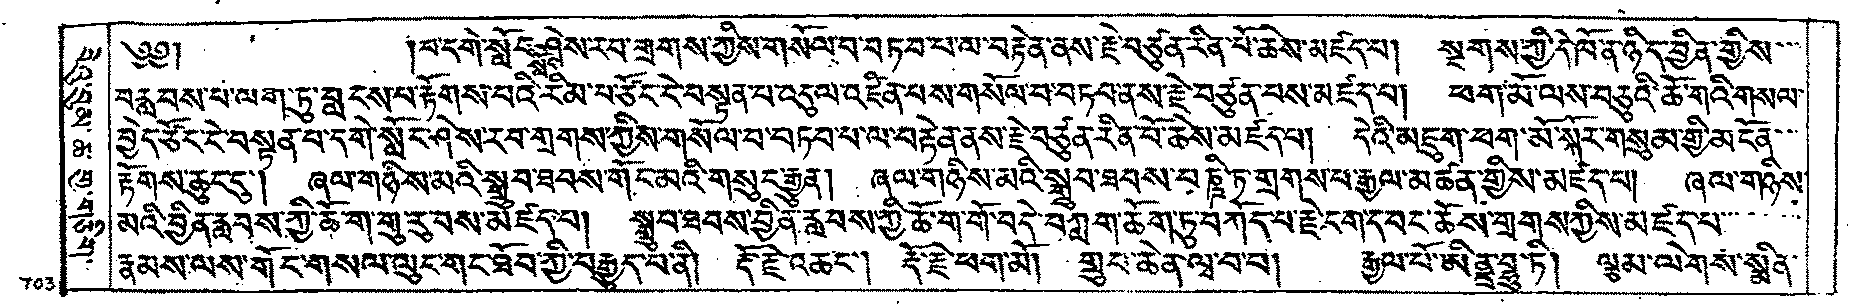༄༅། །པ་དགེ་སློང་སློང་ཤེས་རབ་གྲགས་ཀྱིས་གསོལ་བ་བཏབ་པ་ལ་བརྟེན་ནས་རྗེ་བཙུན་རིན་པོ་ཆེས་མཛད་པ། སྔགས་ཀྱི་དེ་ཁོ་ན་ཉིད་བྱིན་གྱིས་
བརླབས་པ་ལག་ཏུ་བླངས་པ་རྟོགས་པའི་རིམ་པ་ཙོང་དེ་བསྟན་པ་འདུལ་འཛིན་པས་གསོལ་བ་བཏབ་ནས་རྗེ་བཙུན་པས་མཛད་པ། ཕག་མོ་ལས་བཅུའི་ཆོ་གའི་གསལ་
བྱེད་ཙོང་ངེ་བསྟན་པ་དགེ་སློང་ཤེས་རབ་གྲགས་ཀྱིས་གསོལ་བ་བཏབ་པ་ལ་བརྟེན་ནས་རྗེ་བཙུན་རིན་པོ་ཆེས་མཛད་པ། དེའི་མཇུག་ཕག་མོ་སྐོར་གསུམ་གྱི་མངོན་
རྟོགས་ཆུང་ངུ། ཞལ་གཉིས་མའི་སྒྲུབ་ཐབས་གོང་མའི་གསུང་རྒྱུན། ཞལ་གཉིས་མའི་སྒྲུབ་ཐབས་པཎྜི་ཏ་གྲགས་པ་རྒྱལ་མཚན་གྱིས་མཛད་པ། ཞལ་གཉིས་
མའི་བྱིན་རླབས་ཀྱི་ཆོ་ག་གུ་རུ་བས་མཛད་པ། སྒྲུབ་ཐབས་བྱིན་རླབས་ཀྱི་ཆོ་ག་གོ་བདེ་བཀླག་ཆོག་ཏུ་བཀོད་པ་རྗེ་ངག་དབང་ཆོས་གྲགས་ཀྱིས་མཛད་པ་
རྣམས་ལས་གོང་གསལ་ལུང་གང་ཐོབ་ཀྱི་བརྒྱུད་པ་ནི། རྡོ་རྗེ་འཆང་། རྡོ་རྗེ་ཕག་མོ། གྲུབ་ཆེན་ལྭ་བ་པ། རྒྱལ་པོ་ཨིནྡྲ་བྷུ་ཏི། ལྕམ་ལེགས་སྨིན་